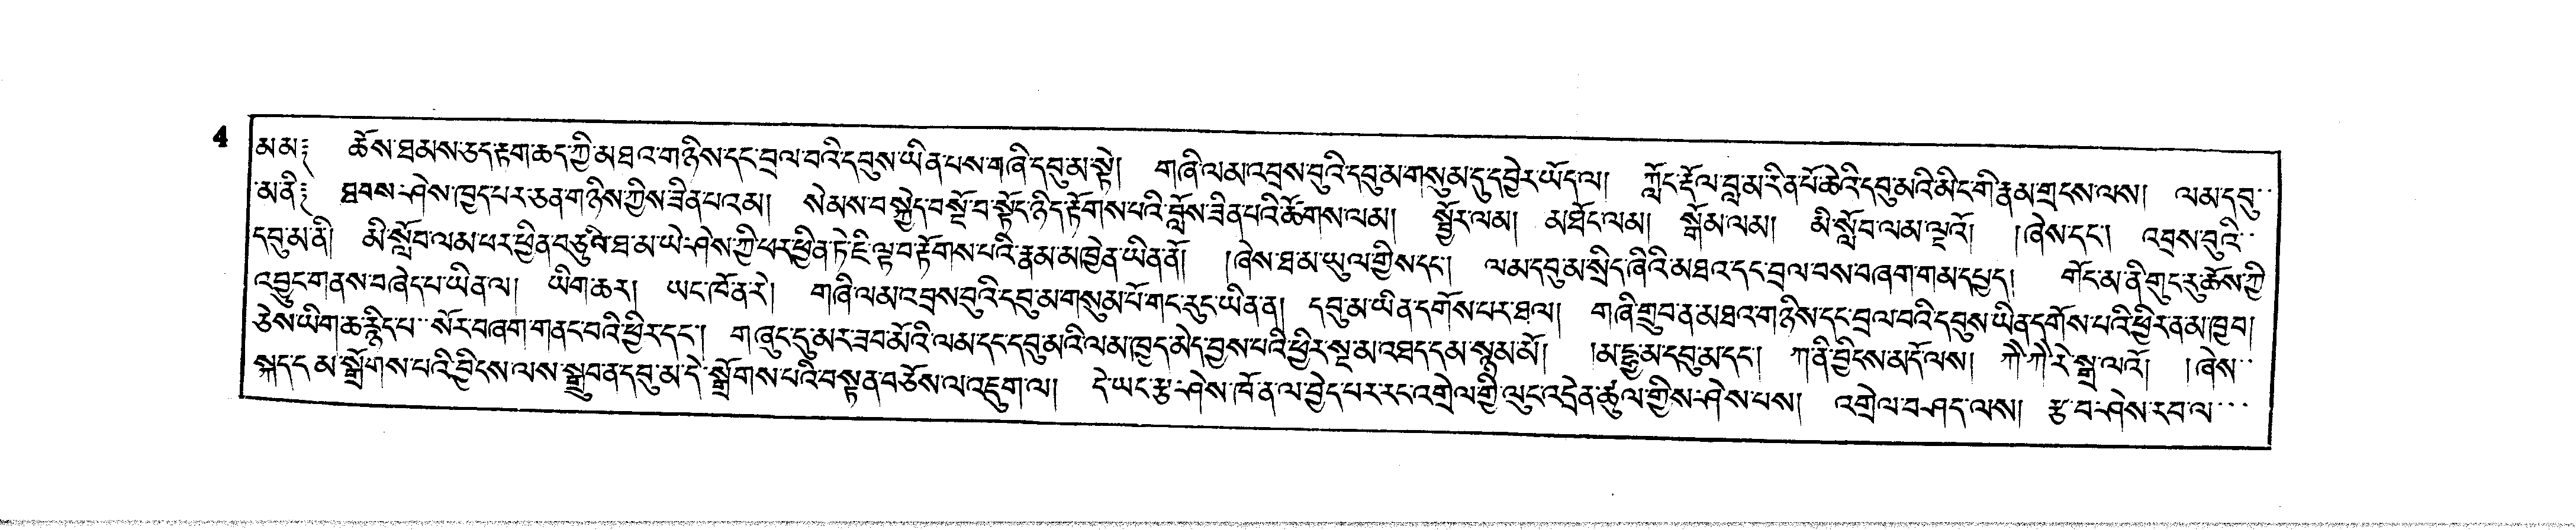མམ༑ ཆོས་ཐམས་ཅད་རྟག་ཆད་ཀྱི་མཐའ་གཉིས་དང་བྲལ་བའི་དབུས་ཡིན་པས་གཞི་དབུ་མ་སྟེ། གཞི་ལམ་འབྲས་བུའི་དབུ་མ་གསུམ་དུ་དབྱེར་ཡོད་ལ། ཀློང་རྡོལ་བླ་མ་རིན་པོ་ཆེའི་དབུ་མའི་མིང་གི་རྣམ་གྲངས་ལས། ལམ་དབུ་
མ་ནི༑ ཐབས་ཤེས་ཁྱད་པར་ཅན་གཉིས་ཀྱིས་ཟིན་པའམ། སེམས་བསྐྱེད་བསྔོ་བ་སྟོང་ཉིད་རྟོགས་པའི་བློས་ཟིན་པའི་ཚོགས་ལམ། སྦྱོར་ལམ། མཐོང་ལམ། སྒོམ་ལམ། མི་སློབ་ལམ་ལྔའོ། །ཞེས་དང་། འབྲས་བུའི་
དབུ་མ་ནི། མི་སློབ་ལམ་ཕར་ཕྱིན་བཅུའི་ཐ་མ་ཡེ་ཤེས་ཀྱི་ཕར་ཕྱིན་ཏེ་ཇི་ལྟ་བ་རྟོགས་པའི་རྣམ་མཁྱེན་ཡིན་ནོ། །ཞེས་ཐ་མ་ཡུལ་གྱིས་དང་། ལམ་དབུ་མ་སྲིད་ཞིའི་མཐའ་དང་བྲལ་བས་བཞག་གམ་དཔྱད། གོང་མ་ནི་གུང་རུ་ཆོས་ཀྱི་
འབྱུང་གནས་བཞེད་པ་ཡིན་ལ། ཡིག་ཆར། ཡང་ཁོ་ན་རེ། གཞི་ལམ་འབྲས་བུའི་དབུ་མ་གསུམ་པོ་གང་རུང་ཡིན་ན། དབུ་མ་ཡིན་དགོས་པར་ཐལ། གཞི་གྲུབ་ན་མཐའ་གཉིས་དང་བྲལ་བའི་དབུས་ཡིན་དགོས་པའི་ཕྱིར་ན་མ་ཁྱབ།
ཅེས་ཡིག་ཆ་རྙིང་པ་སོར་བཞག་གནང་བའི་ཕྱིར་དང་། གཞུང་དུ་མར་ཟབ་མོའི་ལམ་དང་དབུ་མའི་ལམ་ཁྱད་མེད་བྱས་པའི་ཕྱིར་སྔ་མ་འཐད་དམ་སྙམ་མོ། །མ་དྷྱ་མ་དབུ་མ་དང་། ཀ་ནི་བྱིངས་མདོ་ལས། ཀཻ་ཀཻ་རེ་སྒྲ་ལའོ། །ཞེས་
སྐད་དམ་སྒྲོགས་པའི་བྱིངས་ལས་སྒྲུབ་ན་དབུ་མ་དེ་སྒྲོགས་པའི་བསྟན་བཅོས་ལ་འཇུག་ལ། དེ་ཡང་རྩ་ཤེས་ཁོ་ན་ལ་བྱེད་པར་རང་འགྲེལ་གྱི་ལུང་འདྲེན་ཚུལ་གྱིས་ཤེས་པས། འགྲེལ་བཤད་ལས། རྩ་བ་ཤེས་རབ་ལ་